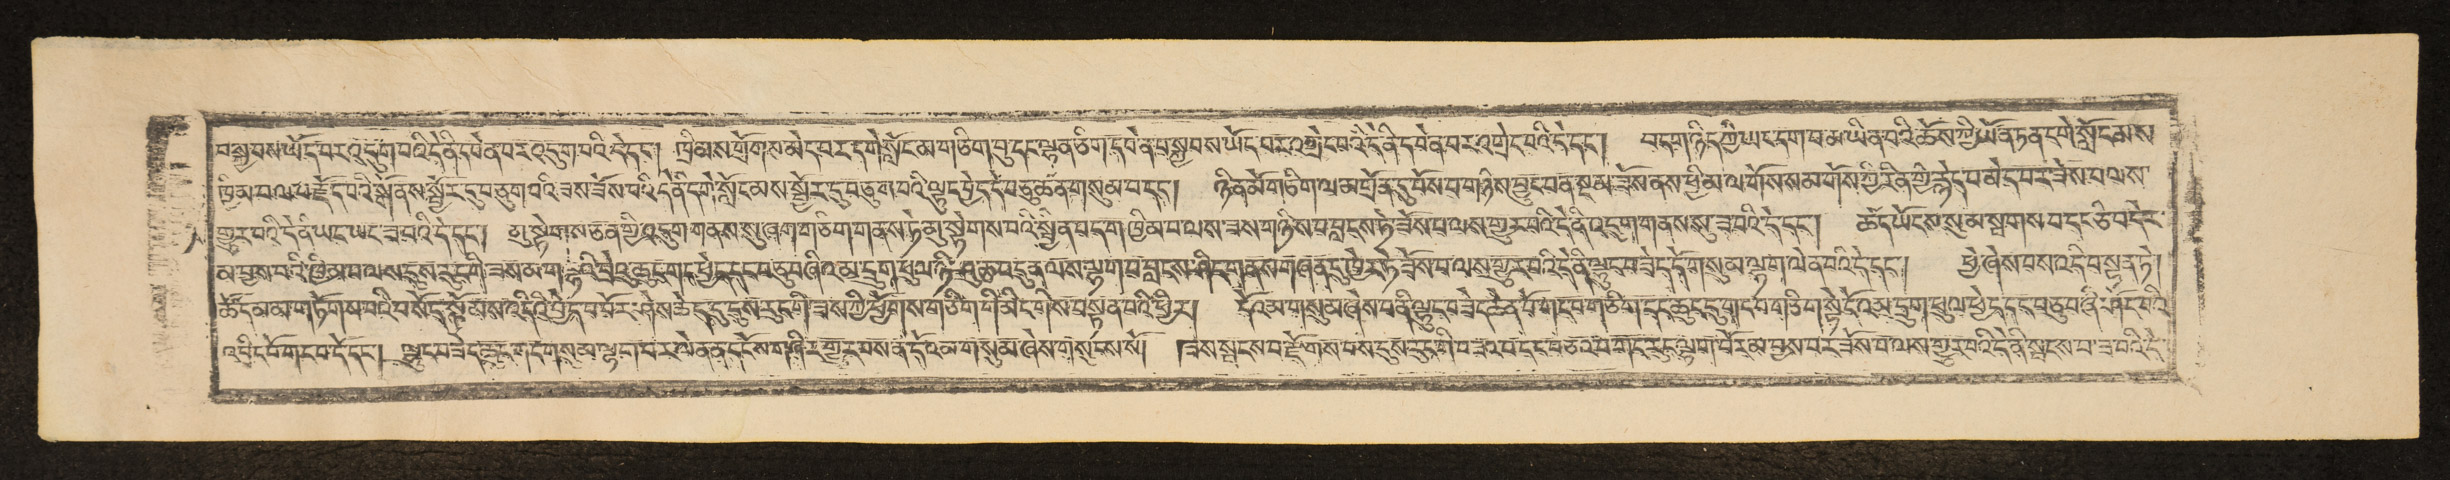བསྐྱབས་ཡོད་པར་འདུག་པའི་དེ་ནི་དབེན་བར་འདུག་པའི་དེ་དང་། ཁྲིམས་གྲོགས་མེད་པར་དགེ་སློང་མ་གཅིག་པུ་དང་ལྷན་ཅིག་དཔེན་པ་སྐྱབས་ཡོད་པར་འགྲེང་བའི་དེ་ནི་དབེན་པར་འགྲེང་བའི་དེ་དང་། བདག་ཉིད་ཀྱི་ཡང་དག་པ་མ་ཡིན་པའི་ཆོས་ཀྱི་ཡོན་ཏན་དགེ་སློང་མས་
ཁྱིམ་བ་ལ་བརྗོད་པའི་སྒོ་ནས་སྦྱོར་དུ་བཅུག་པའི་ཟས་ཟོས་པའི་དེ་ནི་དགེ་སློང་མས་སྦྱོར་དུ་བ་ཅུག་པའི་ལྟུང་བྱེད་དེ་བཅུ་ཚན་གསུམ་པ་དང་། ཉིན་མོ་གཅིག་ལ་མགྲོན་དུ་བོས་བ་གཉིས་བྱུང་བ་ན་སྔ་མ་ཟོས་ནས་ཕྱི་མ་ལ་གོས་སམ་གོས་ཀྱི་རིན་གྱི་རྙེད་པ་མེད་པར་ཟོས་བ་ལས་
གྱུར་བའི་དེ་ནི་ཡང་ཡང་ཟ་བའི་དེ་དང་། མུ་སྟེགས་ཅན་གྱི་འདུག་གནས་སུ་ཞག་གཅིག་གནས་ཏེ་མུ་སྟེགས་པའི་སྦྱིན་བདག་ཁྱིམ་པ་ལས་ཟས་གཉིས་པ་བླང་སྟེ་ཟོས་པ་ལས་གྱུར་བའི་དེ་ནི་འདུག་གནས་སུ་ཟ་བའི་དེ་དང་། ཚད་ཡོངས་སུ་མ་སྦགས་པ་དང་ཅི་བདེར་
མ་བྱས་པའི་ཁྱིམ་པ་ལས་དུས་རུང་གི་ཟས་མ་གདྷའི་བྲེའུ་ཆུང་གང་ཕྱེད་དང་བཅུ་བཞིའམ་དྲུག་ཕུལ་ཉི་ཤུ་རྩ་བདུན་ལས་ལྷག་པ་བླངས་ཤིང་གནས་གཞན་དུ་ཁྱེར་ཏེ་ཟོས་པ་ལས་གྱུར་བའི་དེ་ནི་ལྟུང་བཟེད་དོ་གསུམ་ལྷག་ལེན་པའི་དེ་དང་། ཕྱེ་ཞེས་པས་འདི་བསྟན་ཏེ།
ཚོད་མ་མ་གཏོགས་པའི་བསོད་སྙོམས་འདིའི་བྱེད་པ་པོར་ཤེས་ཆེད་དུ་དུས་རུང་གི་ཟས་ཀྱི་ཕྱོགས་གཅིག་གི་མིང་གིས་བསྟན་པའི་ཕྱིར། དོའམ་གསུམ་ཞེས་པ་ནི་ལྷུང་བཟེད་ཆེན་པོ་གང་བ་གཅིག་དང་ཆུང་དུ་གང་བ་གཅིག་སྟེ་དོའམ་དྲུག་ཕུལ་ཕྱེད་དང་བཅུ་བཞི་ཤོང་བའི་
འབྲིང་བོ་གང་བ་དོ་དང་། ལྷུང་བཟེད་ཆུང་གང་གསུམ་ལྷག་པར་ལེན་ན་དངོས་གཞིར་གྱུར་བས་ན་དོའམ་གསུམ་ཞེས་གསུངས་སོ། །ཟས་སྦངས་པ་རྫོགས་པས་དུས་རུང་གི་བཟའ་བ་དང་བཅའ་བ་གང་རུང་ལྷག་པོར་མ་བྱས་བར་ཟོས་པ་ལས་གྱུར་བའི་དེ་ནི་སྤངས་བ་ཟ་བའི་དེ་